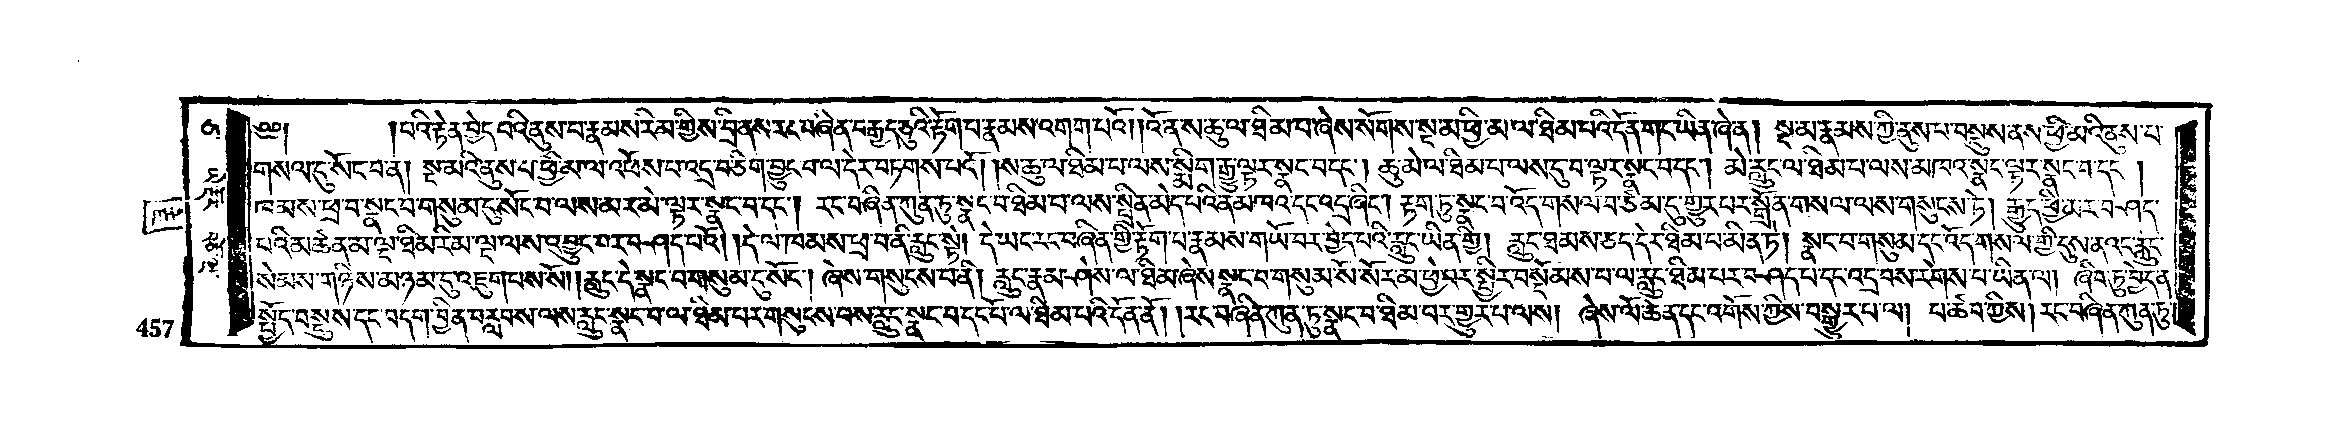༄༅། །པའི་རྟེན་བྱེད་པའི་ནུས་པ་རྣམས་རིམ་གྱིས་བྲི་ནས་རང་བཞིན་བརྒྱད་ཅུའི་རྟོག་པ་རྣམས་འགག་པའོ། །འོ་ན་ས་ཆུ་ལ་ཐིམ་པ་ཞེས་སོགས་སྔ་མ་ཕྱི་མ་ལ་ཐིམ་པའི་དོན་གང་ཡིན་ཞེ་ན། སྔ་མ་རྣམས་ཀྱི་ནུས་པ་བསྡུས་ནས་ཕྱི་མའི་ནུས་པ་
གསལ་དུ་སོང་བ་ན། སྔ་མའི་ནུས་པ་ཕྱི་མ་ལ་འཕོས་པ་འདྲ་བ་ཅིག་བྱུང་བ་ལ་དེར་བཏགས་པའོ། །ས་ཆུ་ལ་ཐིམ་པ་ལས་སྨིག་རྒྱུ་ལྟར་སྣང་བ་དང་། ཆུ་མེ་ལ་ཐིམ་པ་ལས་དུ་བ་ལྟར་སྣང་བ་དང་། མེ་རླུང་ལ་ཐིམ་པ་ལས་མཁའ་སྣང་ལྟར་སྣང་བ་དང་།
ཁམས་ཕྲ་བ་སྣང་བ་གསུམ་དུ་སོང་བ་ལས་མར་མེ་ལྟར་སྣང་བ་དང་། རང་བཞིན་ཀུན་ཏུ་སྣང་བ་ཐིམ་པ་ལས་སྤྲིན་མེད་པའི་ནམ་མཁའ་དང་འདྲ་ཞིང་། རྟག་ཏུ་སྣང་བ་འོད་གསལ་བ་ཙམ་དུ་གྱུར་པར་སྒྲོན་གསལ་ལས་གསུངས་ཏེ། རྒྱུད་ཕྱི་མར་བཤད་
པའི་མཚན་མ་ལྔ་ཐིམ་རིམ་ལྔ་ལས་འབྱུང་བར་བཤད་པའོ། །དེ་ལ་ཁམས་ཕྲ་བ་ནི་རླུང་སྟེ། དེ་ཡང་རང་བཞིན་གྱི་རྟོག་པ་རྣམས་གཡོ་བར་བྱེད་པའི་རླུང་ཡིན་གྱི། རླུང་ཐམས་ཅད་དེར་ཐིམ་པ་མིན་ཏེ། སྣང་བ་གསུམ་དང་འོད་གསལ་གྱི་དུས་ནའང་རླུང་
སེམས་གཉིས་མཉམ་དུ་འཇུག་པས་སོ། །རླུང་དེ་སྣང་བ་གསུམ་དུ་སོང་། ཞེས་གསུངས་པ་ནི། རླུང་རྣམ་ཤེས་ལ་ཐིམ་ཞེས་སྣང་བ་གསུམ་སོ་སོར་མ་ཕྱེ་བར་སྤྱིར་བསྡོམས་པ་ལ་རླུང་ཐིམ་པར་བཤད་པ་དང་འདྲ་བས་རགས་པ་ཡིན་ལ། ཞིབ་ཏུ་བྱེད་ན་
སྤྱོད་བསྡུས་དང་བདག་བྱིན་བརླབས་ལས་རླུང་སྣང་བ་ལ་ཐིམ་པར་གསུངས་པས་རླུང་སྣང་བ་དང་པོ་ལ་ཐིམ་པའི་དོན་ནོ། །རང་བཞིན་ཀུན་ཏུ་སྣང་བ་ཐིམ་པར་གྱུར་པ་ལས། ཞེས་ལོ་ཆེན་དང་འགོས་ཀྱིས་བསྒྱུར་བ་ལ། པ་ཚབ་ཀྱིས། རང་བཞིན་ཀུན་ཏུ་